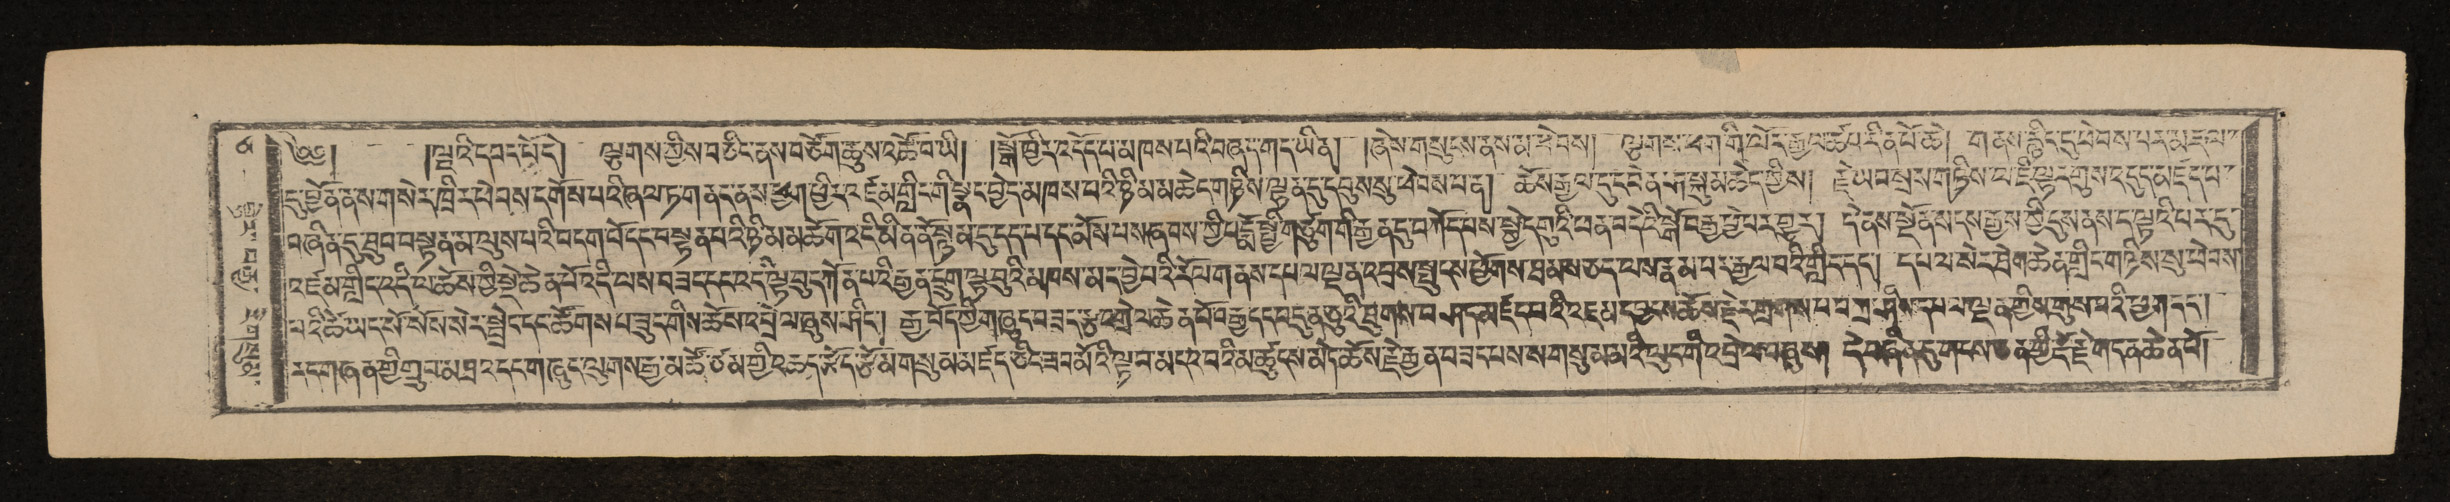༄༅། །ལྔའི་དབང་པོ་དེ། ལྕགས་ཀྱིས་བཅིང་ནས་བཙོག་ཆུས་འཚོ་བ་ཡི། །སྒོ་ཁྱིར་འདོད་པ་མཁས་པའི་བཞད་གད་ཡིན། །ཞེས་གསུངས་ནས་མ་ཕེབས། ལྕགས་ཕག་གི་ལོར་རྒྱལ་ཚབ་རིན་པོ་ཆེ། གནས་རྙིང་དུ་ཕེབས་པར་མཇལ་
དུ་བྱོན་ནས་གསེར་ཁྲིར་ཕེབས་དགོས་པའི་ཞལ་ཏ་གནང་ནས་ཕྱག་ཕྱིར་འཛམ་གླིང་གི་སྣང་བྱེད་མཁས་པའི་ཉི་མ་མཆེད་གཉིས་ལྷན་དུ་དབུས་སུ་ཕེབས་པ་ན། ཆོས་རྒྱལ་དུ་དབེན་ཤ་སྐུ་མཆེད་ཀྱིས། རྗེ་ཡབ་སྲས་གཉིས་ལ་ཇི་ལྟར་གུས་འདུད་མཛད་པ་
བཞིན་དུ་ཐུབ་བསྟན་མ་ལུས་པའི་བདག་པོ་དང་བསྟན་པའི་ཉི་མ་མཆོག་འདི་ཡིན་ནོ་སྙམ་དུ་དད་པ་དང་མོས་པས་ཞབས་ཀྱི་པདམོ་སྤྱི་གཙུག་གི་རྒྱན་དུ་བཀོད་པས་སྐྱེ་དགུའི་ཕན་བདེའི་སྒོ་བརྒྱ་ཕྱེ་བར་གྱུར། དེ་ནས་སྔོན་སངས་རྒྱས་ཀྱི་དུས་ནས་ད་ལྟའི་བར་དུ་
འཛམ་གླིང་འདི་ལ་ཆོས་ཀྱི་སྡེ་ཆེན་པོ་འདི་ལ་བཟང་དང་འདི་ལྟ་བུ་དཀོན་པའི་རྒྱན་དྲུག་ལྟ་བུའི་མཁས་མང་བྱེ་བའི་རོལ་གནས་དཔལ་ལྡན་འབྲས་སྤུངས་ཕྱོགས་ཐམས་ཅད་ལས་རྣམ་པར་རྒྱལ་བའི་གླིང་དང་། དཔལ་སེར་ཐེག་ཆེན་གླིང་གཉིས་སུ་ཕེབས་
པའི་ཚེ་ཡང་སོ་སོས་སེར་སྦྲེང་དང་ཚོགས་པ་ཟུང་གིས་ཆོས་འབྲེལ་ཞུས་ཤིང་། རྒྱ་བོད་ཀྱི་གཞུང་བཟང་རྩ་འགྲེལ་ཆེན་པོ་བརྒྱ་དང་བདུན་ཅུའི་ཐུགས་བཤད་མཛད་པའི་འཇམ་དབྱངས་ཆོས་རྗེར་གྲགས་པ་བཀྲ་ཤིས་དཔལ་ལྡན་གྱིས་གུས་པའི་ཕྱག་དང་།
རང་གཞན་གྱི་གྲུབ་མཐའ་དང་གཞུང་ལུགས་རྒྱ་མཚོ་ཙམ་གྱི་འཆད་རྩོད་རྩོམ་གསུམ་མཛད་ཅིང་ཟབ་མོའི་ལྟ་བ་མངའ་བའི་མཚུངས་མེད་ཆོས་རྗེ་རྒྱན་བཟང་པས་ས་གསུམ་མའི་ལུང་གི་འབྲེལ་བ་ཞུས། དེ་བཞིན་དུ་གངས་ཅན་གྱི་རྡོ་རྗེ་གདན་ཆེན་པོ།